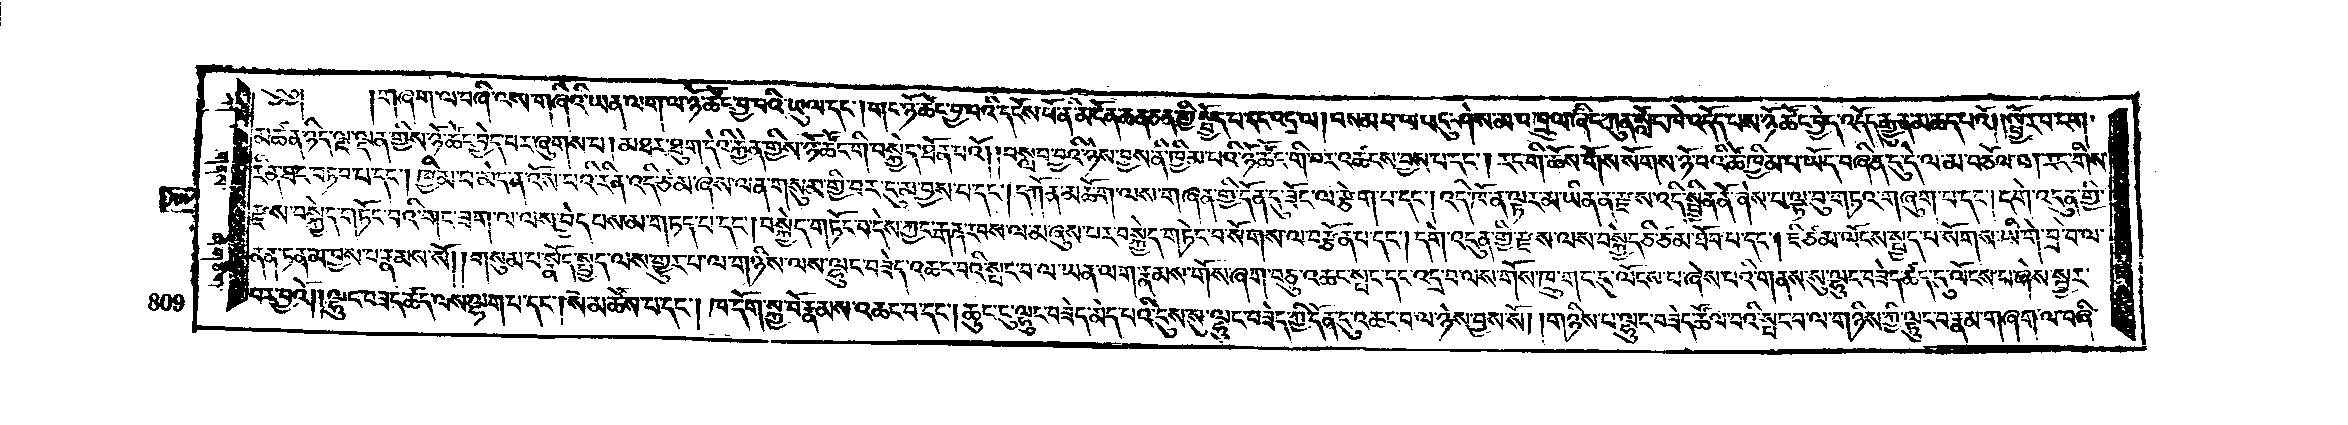༄༅། །གཞག་ལ་བཞི་ལས་གཞིའི་ཡན་ལག་ལ་ཉོ་ཚོང་བྱ་བའི་ཡུལ་དང་། གང་ཉོ་ཚོང་བྱ་བའི་དངོས་པོ་ནི་མངོན་ཆན་ཅན་གྱི་སྤྱོད་པ་དང་འདྲ་ལ། བསམ་པ་ལ་བདུ་ཤེས་མ་འཁྲུལ་ཞིང་ཀུན་སློང་ཁེ་འདོད་པས་ཉོ་ཚོང་བྱེད་འདོད་རྒྱུན་མ་ཆད་པའོ། །སྦྱོར་བ་ངག་
མཚན་ཉིད་ལྔ་ལྡན་གྱིས་ཉོ་ཚོང་བྱེད་པར་ཞུགས་པ། མཐར་ཐུག་དེའི་རྐྱེན་གྱིས་ཉོ་ཚོང་གི་བསྐྱེད་ཐོན་པའོ། །བསླབ་བྱའི་ཉེས་བྱས་ནི་ཁྱིམ་པའི་ཉོ་ཚོང་གི་བར་འཚངས་བྱས་པ་དང་། རང་གི་ཆོས་གོས་སོགས་ཉོ་བའི་ཚེ་ཁྱིམ་པ་ཡོད་བཞིན་དུ་དེ་ལ་མ་བཅོལ་བ། རང་གིས་
རིན་ཐང་བཏབ་པ་དང་། ཁྱིམ་པ་མེད་ན་འོས་པའི་རིན་འདི་ཙམ་ཞེས་ལན་གསུམ་གྱི་བར་དུ་མ་བྱས་པ་དང་། དཀོན་མཆོག་ལས་གཞན་གྱི་དོན་དུ་ཟོང་ལ་རྩེག་པ་དང་། འདི་ཁོ་ན་ལྟར་མ་ཡིན་ན་རྫས་འདི་སྦྱིན་ནོ་ཞེས་པ་ལྟ་བུ་གཏའ་གཞུག་པ་དང་། དགེ་འདུན་གྱི་
རྫས་བསྐྱེད་གཏོང་བའི་གང་ཟག་ལ་ལས་བྱེད་པས་མ་གཏད་པ་དང་། བསྐྱེད་གཏོང་བ་དེས་ཀྱང་རྒན་རབས་ལ་མ་ཞུས་པར་བསྐྱེད་གཏོང་བ་སོགས་ལ་བརྩོན་པ་དང་། དགེ་འདུན་གྱི་རྫས་ལས་བསྐྱེད་ཅི་ཙམ་ཐོབ་པ་དང་། ཇི་ཙམ་ལོངས་སྤྱད་པ་སོགས་ཡི་གེ་བྲ་བེ་ལ་
ནན་ཏན་མ་བྱས་པ་རྣམས་སོ། །གསུམ་པ་སྣོད་སྤྱད་ལས་གྱུར་པ་ལ་གཉིས་ལས་ལྷུང་བཟེད་འཆང་བའི་སྤང་བ་ལ་ཡན་ལག་རྣམས་གོས་ཞག་བཅུ་འཆང་སྤང་དང་འདྲ་བ་ལས་གོས་ཁྲུ་གང་དུ་ལོངས་པ་ཞེས་པའི་གནས་སུ་ལྷུང་བཟེད་ཚད་དུ་ལོངས་པ་ཞེས་སྦྱར་
བར་བྱའོ། །ལྷུང་བཟད་ཚད་ལས་ལྷག་པ་དང་། སོ་མ་ཚོས་པ་དང་། ཁ་དོག་སྐྱ་བོ་རྣམས་འཆང་བ་དང་། ཆུང་ངུ་ལྷུང་བཟེད་མེད་པའི་དུས་སུ་ལྷུང་བཟེད་ཀྱི་དོན་དུ་འཆང་བ་ལ་ཉེས་བྱས་སོ། །གཉིས་པ་ལྷུང་བཟེད་ཚོལ་བའི་སྤང་བ་ལ་གཉིས་ཀྱི་ལྷུང་བ་རྣམ་གཞག་ལ་བཞི་